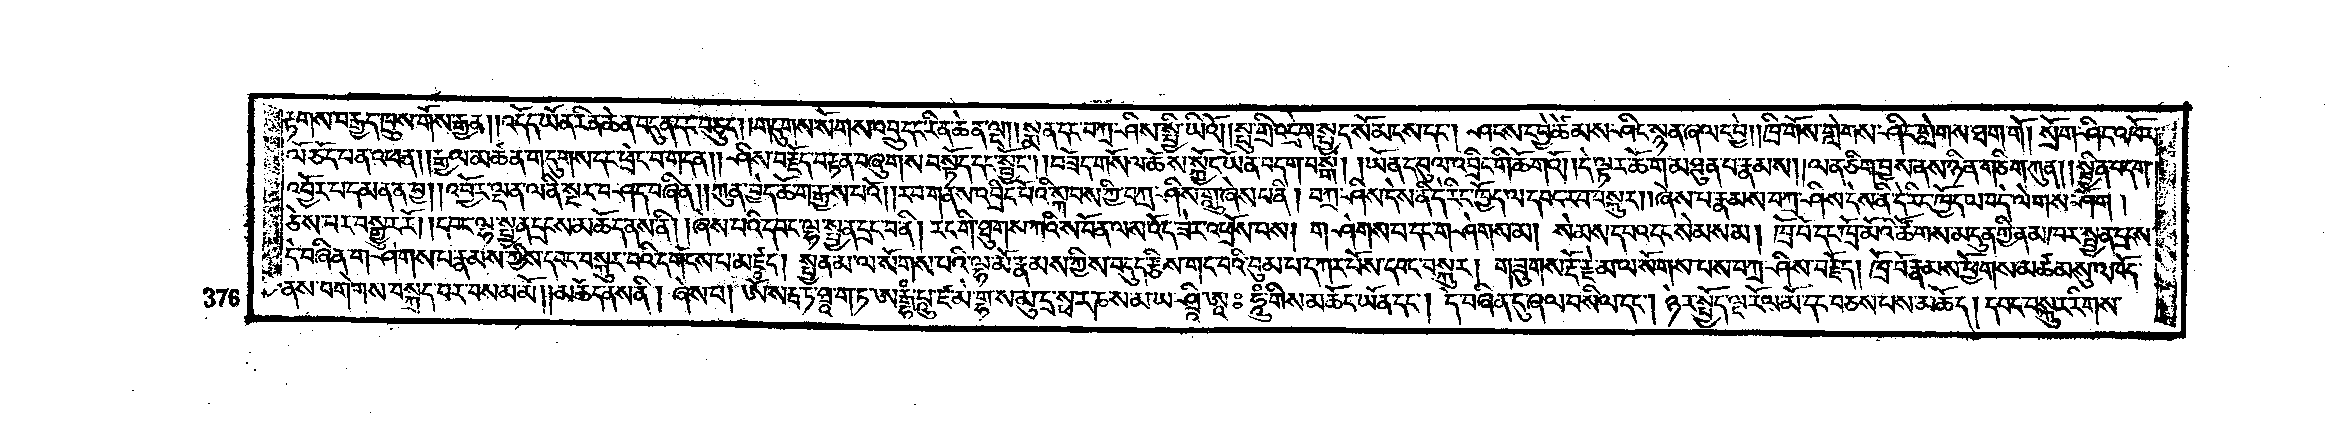རྟགས་བརྒྱད་ཁྲུས་གོས་རྒྱན། །འདོད་ཡོན་རིན་ཆེན་བདུན་དང་བཅུད། །གདུགས་སོགས་འབྲུ་དང་རིན་ཆེན་ལྔ། །སྨན་དང་བཀྲ་ཤིས་སྤྱི་ཡིའོ། །སྤུ་གྲི་འདྲེག་སྤྱད་སོ་མངས་དང་། ཤངས་དབྱེ་ཚེམས་ཤིང་སྙན་ཞལ་དབྱེ། །ཁྲི་གོས་གླེགས་ཤིང་གླེགས་ཐག་གོ །སྲོག་ཤིང་འཁོར་
ལོ་ཅོད་པན་འཕན། །རྒྱལ་མཚན་གདུགས་དང་ཕྲེང་བ་གདན། །ཤིས་བརྗོད་བརྟན་བཞུགས་བསྟོད་དང་སྦྱོང་། །བཟོད་གསོལ་ཆོས་སྐྱོང་ཡོན་བདག་བསྒོ། །ཡོན་དབུལ་འབྲིང་གི་ཆོ་གའོ། །དེ་ལྟར་ཆོ་ག་མཐུན་པ་རྣམས། །ལན་ཅིག་བྱས་ནས་ཉིན་གཅིག་ཀུན། །སྦྱིན་བདག་
འབྱོར་པ་དམན་ན་བྱ། །འབྱོར་ལྡན་ལ་ནི་སྔར་བཤད་བཞིན། །ཀུན་བྱེད་ཆོ་ག་རྒྱས་པའོ། །རབ་གནས་འབྲིང་པོའི་སྐབས་ཀྱི་བཀྲ་ཤིས་གླུ་ཞེས་པ་ནི། བཀྲ་ཤིས་དེས་ནི་དེ་རིང་ཁྱོད་ལ་དབང་རབ་བསྐུར། །ཞས་པ་རྣམས་བཀྲ་ཤིས་དེས་ནི་དེ་རིང་ཁྱོད་ལ་བདེ་ལེགས་ཤོག །
ཅེས་པར་བསྒྱུར་རོ། །དབང་ལྷ་སྤྱན་དྲངས་མཆོད་ནས་ནི། །ཞེས་པའི་དབང་ལྷ་སྤྱན་དྲང་བ་ནི། རང་གི་ཐུགས་ཀའི་ས་བོན་ལས་འོད་ཟེར་འཕྲོས་པས། གཤེགས་པ་དང་གཤེགས་མ། སེམས་དཔའ་དང་སེམས་མ། ཁྲོ་བོ་དང་ཁྲོ་མོའི་ཚོགས་མདུན་གྱི་ནམ་མཁར་སྤྱན་དྲངས་
དེ་བཞིན་གཤེགས་པ་རྣམས་ཀྱིས་དབང་བསྐུར་བའི་དགོངས་པ་མཛད། སྤྱན་མ་ལ་སོགས་པའི་ལྷ་མོ་རྣམས་ཀྱིས་བདུད་རྩིས་གང་བའི་བུམ་པ་དཀར་པོས་དབང་བསྐུར། གཟུགས་རྡོ་རྗེ་མ་ལ་སོགས་པས་བཀྲ་ཤིས་བརྗོད། ཁྲོ་བོ་རྣམས་ཕྱོགས་མཚམས་སུ་འཁོད་
ནས་བགེགས་བསྐྲད་བར་བསམ་མོ། །མཆོད་ནས་ནི། ཞེས་པ། ཨོཾ་སརྦ་ཏ་ཐཱ་ག་ཏ་ཨརགྷཾ་པཱུ་ཇ་མེ་གྷ་ས་མུ་དྲ་སྥ་ར་ཎ་ས་མ་ཡ་ཤྲཱི་ཨཱཿ ཧཱུཾ་གིས་མཆོད་ཡོན་དང་། དེ་བཞིན་དུ་ཞལ་བསིལ་དང་། ཉེར་སྤྱོད་ལྔ་རོལ་མོ་དང་བཅས་པས་མཆོད། དབང་བསྐུར་རིགས་